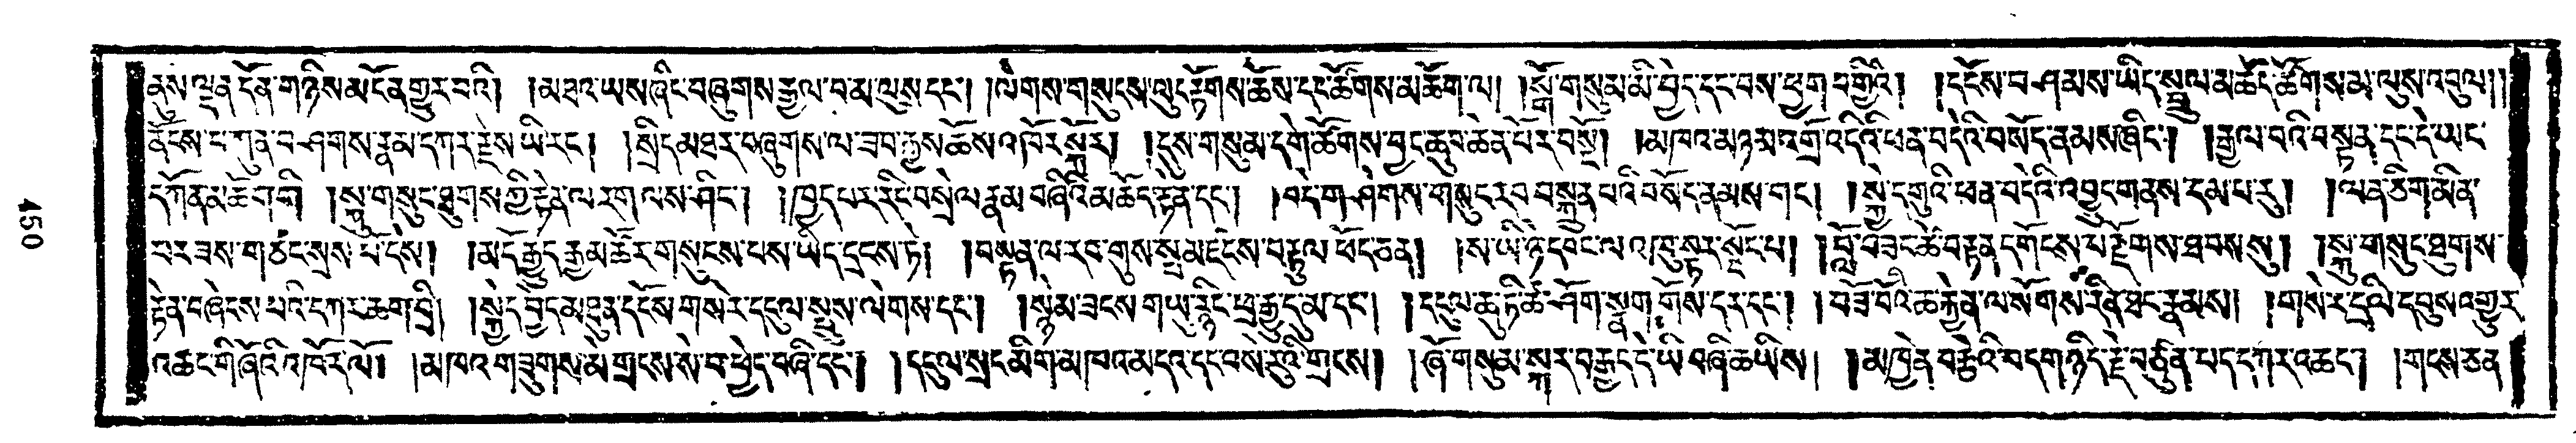ནུས་ལྡན་དོན་གཉིས་མངོན་གྱུར་བའི། །མཐའ་ཡས་ཞིང་བཞུགས་རྒྱལ་བ་མ་ལུས་དང་། །ལེགས་གསུངས་ལུང་རྟོགས་ཆོས་དང་ཚོགས་མཆོག་ལ། །སྒོ་གསུམ་མི་བྱེད་དང་བས་ཕྱག་པ་གྱིའི། །དངོས་བཤམས་ཡིད་སྤྲུལ་མཆོད་ཚོགས་མ་ལུས་འབུལ།།
ནོངས་པ་ཀུན་བཤགས་རྣམ་དཀར་རྗེས་ཡི་རང་། །སྲིད་མཐར་བཞུགས་ལ་ཟབ་རྒྱས་ཆོས་འཁོར་སྐོར། །དུས་གསུམ་དགེ་ཚོགས་བྱང་ཆུབ་ཆེན་པོར་བསྔོ། །མཁའ་མཉམ་འགྲོ་འདིའི་ཕན་བདེའི་བསོད་ནམས་ཞིང་། །རྒྱལ་བའི་བསྟན་དང་དེ་ཡང་
དཀོན་མཆོག་གི །སྐུ་གསུང་ཐུགས་ཀྱི་རྟེན་ལ་རག་ལས་ཤིང་། །ཁྱད་པར་རིང་བསྲེལ་རྣམ་བཞིའི་མཆོད་རྟེན་དང་། །བདེ་གཤེགས་གསུང་རབ་བསྐྲུན་པའི་བསོད་ནམས་གང་། ། སྐྱེ་དགུའི་ཕན་བདེའི་འབྱུང་གནས་དམ་པ་རུ། །ལན་ཅིག་མིན་
པར་ཟས་གཙང་སྲས་པོ་དེས། །མདོ་རྒྱུད་རྒྱ་མཚོར་གསུངས་པས་ཡིད་དྲངས་ཏེ། །བསྟན་ལ་རབ་གུས་པ་མཛངས་བརྟུལ་ཕོད་ཅན། །ས་ཡི་ཉེ་དབང་ལ་འཁུ་སྟར་སྡོང་པ། །བློ་བཟང་ཡེ་བརྟན་དགོངས་པ་རྫོགས་ཐབས་སུ། །སྐུ་གསུང་ཐུགས་
རྟེན་བཞེངས་པའི་དཀར་ཆག་བྲི། །སྐྱེད་བྱེད་མཐུན་དངོས་གསེར་དངུལ་སྤུས་ལེགས་དང་། །སྙེམ་ཟངས་གཡུ་རྙིང་ཕྲ་རྒྱུ་དུ་མ་དང་། །དངུལ་ཆུ་ཏི་ཚ་ཤོག་སང་གོས་དར་དང།། བཟོ་བོའི་ཆ་རྐྱེན་ལ་སོགས་རིན་ཐང་རྣམས། །གསེར་དྲིལ་དབུས་འགྱུར་
འཆང་གི་ཞོའི་འཁོར་ལོ། །མཁའ་གཟུགས་མེ་གྲངས་སེ་བ་ཕྱེད་བཞི་དང་། །དངུལ་སྲང་མིག་མཁའ་མདའ་དང་བསེ་རུའི་གྲངས། །ཞོ་གསུམ་སྐར་བརྒྱད་དེ་ཡི་བཞི་ཆ་ཡིས། །མཁྱེན་བརྩེའི་བདག་ཉིད་རྗེ་བཙུན་པད་དཀར་འཆང་། །གངས་ཅན་